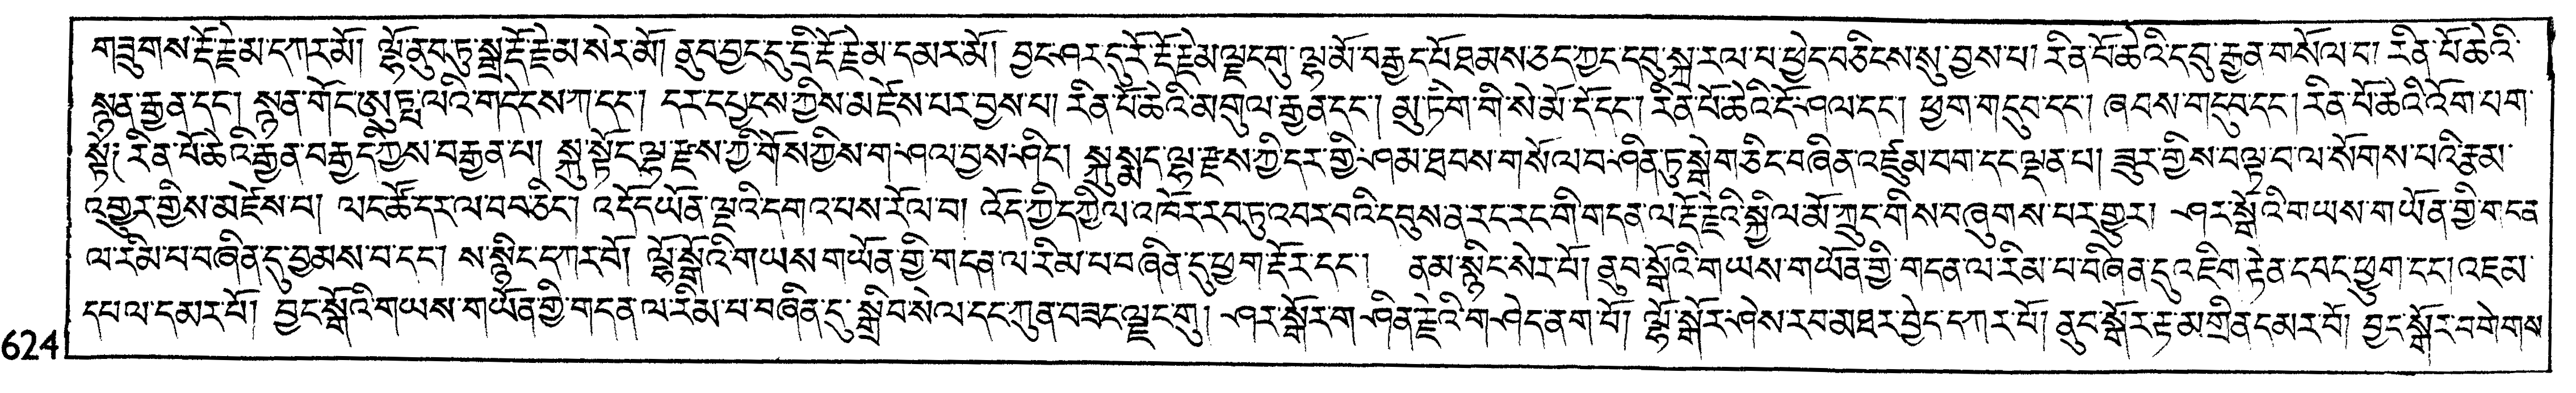གཟུགས་རྡོ་རྗེ་མ་དཀར་མོ། ལྷོ་ནུབ་ཏུ་སྒྲ་རྡོ་རྗེ་མ་སེར་མོ། ནུབ་བྱང་དུ་དྲི་རྡོ་རྗེ་མ་དམར་མོ། བྱང་ཤར་དུ་རོ་རྡོ་རྗེ་མ་ལྗང་གུ་ལྷ་མོ་བརྒྱད་པོ་ཐམས་ཅད་ཀྱང་དབུ་སྐྲ་རལ་པ་ཕྱེད་བཅིངས་སུ་བྱས་པ། རིན་པོ་ཆེའི་དབུ་རྒྱན་གསོལ་བ། རིན་པོ་ཆེའི་
སྙན་རྒྱན་དང་། སྙན་གོང་ཨུཏྤ་ལའི་གདེངས་ཀ་དང་། དར་དཔྱངས་ཀྱིས་མཛེས་པར་བྱས་པ། རིན་པོ་ཆེའི་མགུལ་རྒྱན་དང་། མུ་ཏིག་གི་སེ་མོ་དོ་དང་། རིན་པོ་ཆེའི་དོ་ཤལ་དང་། ཕྱག་གདུབ་དང་། ཞབས་གདུབ་དང་། རིན་པོ་ཆེའི་འོག་པག་
སྟེ༑ རིན་པོ་ཆེའི་རྒྱན་བརྒྱད་ཀྱིས་བརྒྱན་པ། སྐུ་སྟོང་ལྷ་རྫས་ཀྱི་གོས་ཀྱིས་ག་ཤལ་བྱས་ཤིང་། སྐུ་སྨད་ལྷ་རྫས་ཀྱི་དར་གྱི་ཤམ་ཐབས་གསོལ་བ་ཤིན་ཏུ་སྒེག་ཅིང་བཞིན་འཛུམ་བག་དང་ལྡན་པ། ཟུར་གྱིས་བལྟ་བ་ལ་སོགས་པའི་རྣམ་
འགྱུར་གྱིས་མཛེས་པ། ལང་ཚོ་དར་ལ་བབ་ཅིང་། འདོད་ཡོན་ལྔའི་དགའ་པས་རོལ་བ། འོད་ཀྱི་དཀྱིལ་འཁོར་རབ་ཏུ་འབར་བའི་དབུས་ན་རང་རང་གི་གདན་ལ་རྡོ་རྗེའི་སྐྱིལ་མོ་ཀྲུང་གིས་བཞུགས་པར་གྱུར། ཤར་སྒོའི་གཡས་གཡོན་གྱི་གདན་
ལ་རིམ་པ་བཞིན་དུ་བྱམས་པ་དང་། ས་སྙིང་དཀར་པོ། ལྷོ་སྒོའི་གཡས་གཡོས་གྱི་གདན་ལ་རིམ་པ་བཞིན་དུ་ཕྱག་རྡོར་དང་། ནམ་སྙིང་སེར་པོ། ནུབ་སྒོའི་གཡས་གཡོན་གྱི་གདན་ལ་རིམ་པ་བཞིན་དུ་འཇིག་རྟེན་དབང་ཕྱུག་དང་། འཇམ་
དཔལ་དམར་པོ། བྱང་སྒོའི་གཡས་གཡོན་གྱི་གདན་ལ་རིམ་པ་བཞིན་དུ་སྒྲིབ་སེལ་དང་ཀུན་བཟང་ལྗང་གུ། ཤར་སྒོར་གཤིན་རྗེའི་གཤེད་ནག་པོ། ལྷོ་སྒོར་ཤེས་རབ་མཐར་བྱེད་དཀར་པོ། ནུབ་སྒོར་རྟ་མགྲིན་དམར་པོ། བྱང་སྒོར་བགེགས་